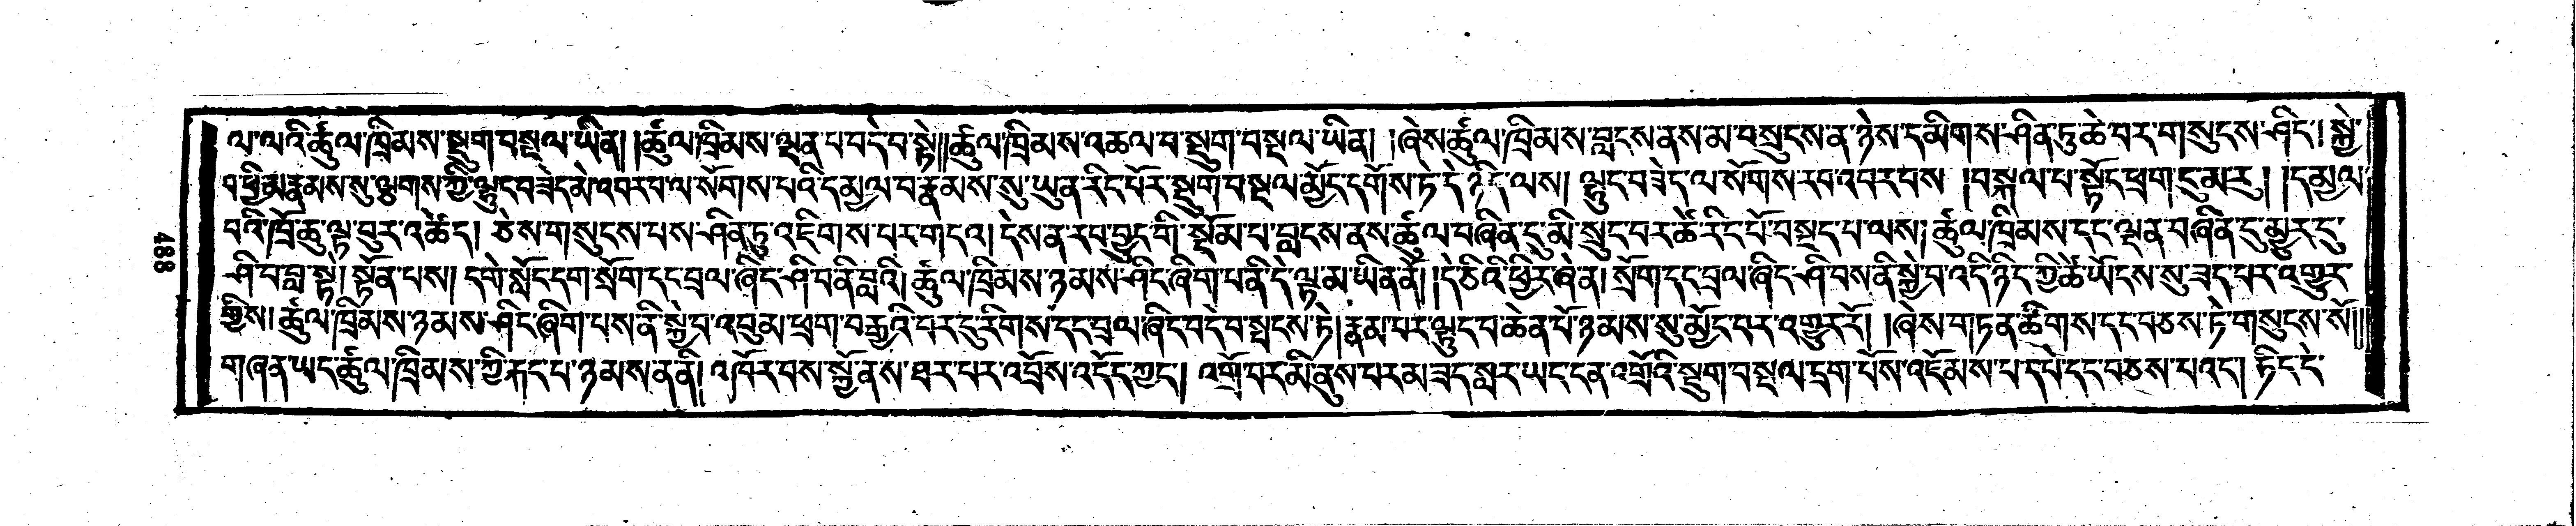ལ་ལའི་ཚུལ་ཁྲིམས་སྡུག་བསྔལ་ཡིན། །ཚུལ་ཁྲིམས་ལྡན་པ་བདེ་བ་སྟེ། །ཚུལ་ཁྲིམས་འཆལ་བ་སྡུག་བསྔལ་ཡིན། །ཞེས་ཚུལ་ཁྲིམས་བླངས་ནས་མ་བསྲུངས་ན་ཉེས་དམིགས་ཤིན་ཏུ་ཆེ་བར་གསུངས་ཤིང་། སྐྱེ་
བ་ཕྱི་མ་རྣམས་སུ་ལྕགས་ཀྱི་ལྷུང་བཟེད་མེ་འབར་བ་ལ་སོགས་པའི་དམྱལ་བ་རྣམས་སུ་ཡུན་རིང་པོར་སྡུག་བསྔལ་མྱོང་དགོས་ཏེ་དེ་ཉིད་ལས། ལྷུང་བཟེད་ལ་སོགས་རབ་འབར་བས། །བསྐལ་པ་སྟོང་ཕྲག་དུ་མ་རུ། །དམྱལ་
པའི་ཁྲོ་ཆུ་ལྟ་བུར་འཚེད། ཅེས་གསུངས་པས་ཤིན་ཏུ་འཇིགས་པར་གདའ། དེས་ན་རབ་བྱུང་གི་སྡོམ་པ་བླངས་ནས་ཚུལ་བཞིན་དུ་མི་སྲུང་བར་ཚེ་རིང་པོ་བསྡད་པ་ལས། ཚུལ་ཁྲིམས་དང་ལྡན་བཞིན་དུ་མྱུར་དུ་
ཤི་བ་བླ་སྟེ། སྟོན་པས། དགེ་སློང་དག་སྲོག་དང་བྲལ་ཞིང་ཤི་བ་ནི་བླའི། ཚུལ་ཁྲིམས་ཉམས་ཤིང་ཞིག་པ་ནི་དེ་ལྟ་མ་ཡིན་ནོ། །དེ་ཅིའི་ཕྱིར་ཞེ་ན། སྲོག་དང་བྲལ་ཞིང་ཤི་བས་ནི་སྐྱེ་བ་འདི་ཉིད་ཀྱི་ཚེ་ཡོངས་སུ་ཟད་པར་འགྱུར་
གྱིས། ཚུལ་ཁྲིམས་ཉམས་ཤིང་ཞིག་པས་ནི་སྐྱེ་བ་འབུམ་ཕྲག་བརྒྱའི་བར་དུ་རིགས་དང་བྲལ་ཞིང་བདེ་བ་སྤངས་ཏེ། རྣམ་པར་ལྟུང་བ་ཆེན་པོ་ཉམས་སུ་མྱོང་བར་འགྱུར་རོ། །ཞེས་གཏན་ཚིགས་དང་བཅས་ཏེ་གསུངས་སོ། །
གཞན་ཡང་ཚུལ་ཁྲིམས་ཀྱི་རྐང་པ་ཉམས་ན་ནི། འཁོར་བས་སྐྱོ་ནས་ཐར་པར་འབྲོས་འདོད་ཀྱང་། འགྲོ་བར་མི་ནུས་པར་མ་ཟད་སླར་ཡང་ངན་འགྲོའི་སྡུག་བསྔལ་དྲག་པོས་འཇོམས་པ་དཔེ་དང་བཅས་པའང་། ཏིང་ངེ་